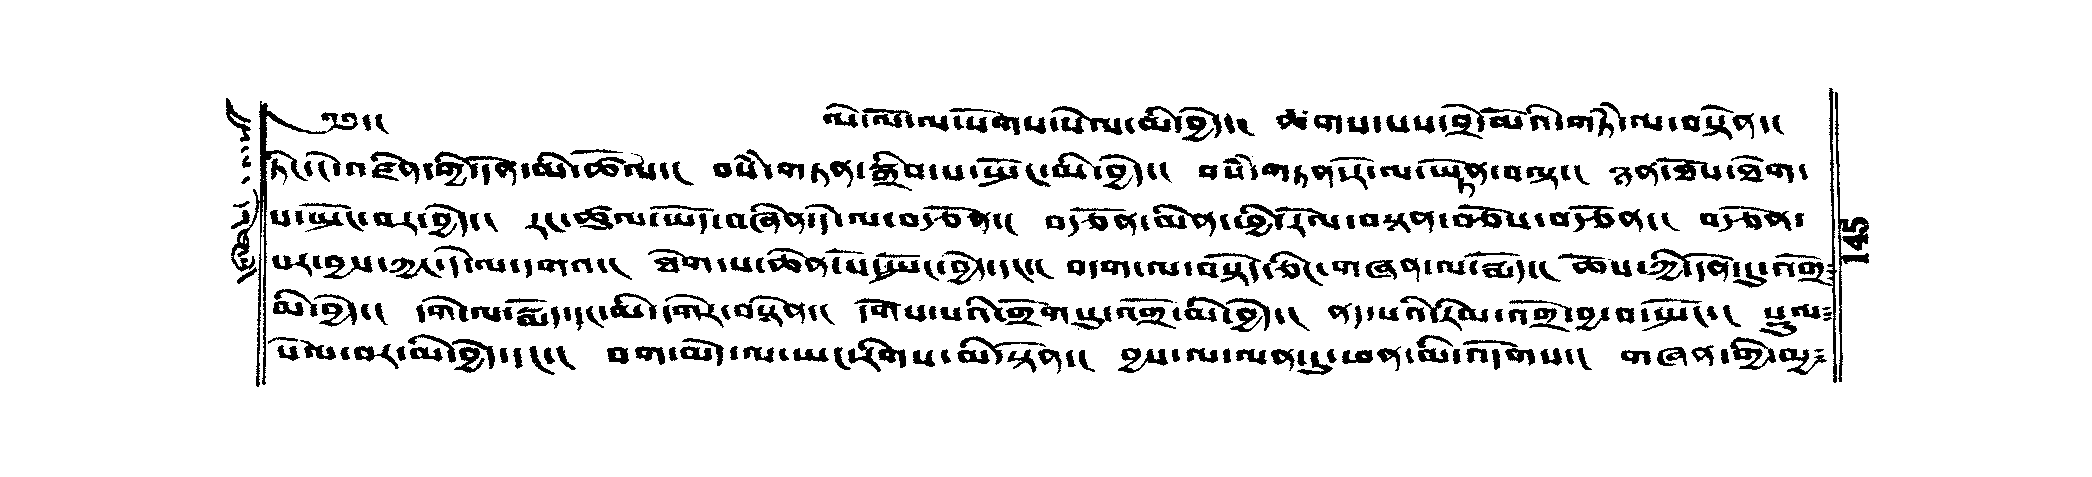ལེ་ལོ་ལ་སོགས་སེལ་མི་བྱེད། ཆགས་པས་བྲེ་མོའི་གཏམ་ལ་བསྟེན། 
ཏིང་ངེ་འཛིན་གྱི་དོན་མི་ཚོལ། བསམ་གཏན་སྒྲིབ་པ་སྤོང་མི་བྱེད། བསམ་གཏན་རོ་ལ་ཡོན་ཏན་བལྟ། ཉན་ཐོས་ཐོག་
པ་སྤོང་བར་བྱེད། རང་ཚུལ་ཡོད་བཞིན་དེ་ལ་བརྩོན། བརྩོན་མིན་ཕྱི་རོལ་བསྟན་བཅོས་བརྩོན། བརྩོན་
པར་བྱས་ཀྱང་དེ་ལ་དགའ། ཐེག་པ་ཆེན་པོ་སྤོང་བྱེད་དང་། བདག་ལ་བསྟོད་ཅིང་གཞན་ལ་སྨོད། ཆོས་ཀྱི་དོན་དུ་འགྲོ་
མི་བྱེད། དགེ་ལ་སྨོད་དང་མི་དགེར་བསྟེན། དགོས་པའི་གྲོགས་སུ་འགྲོ་མི་བྱེད། ནད་པའིརིམ་འགྲོ་བྱ་བ་སྤོང་། སྡུག་བསྔལ་
སེལ་བར་མི་བྱེད་དང་། བག་མེད་ལ་ཡང་རིགས་མི་སྟོན། བྱས་ལ་ལན་དུ་ཕན་མི་འདོགས། གཞན་གྱི་མྱ་